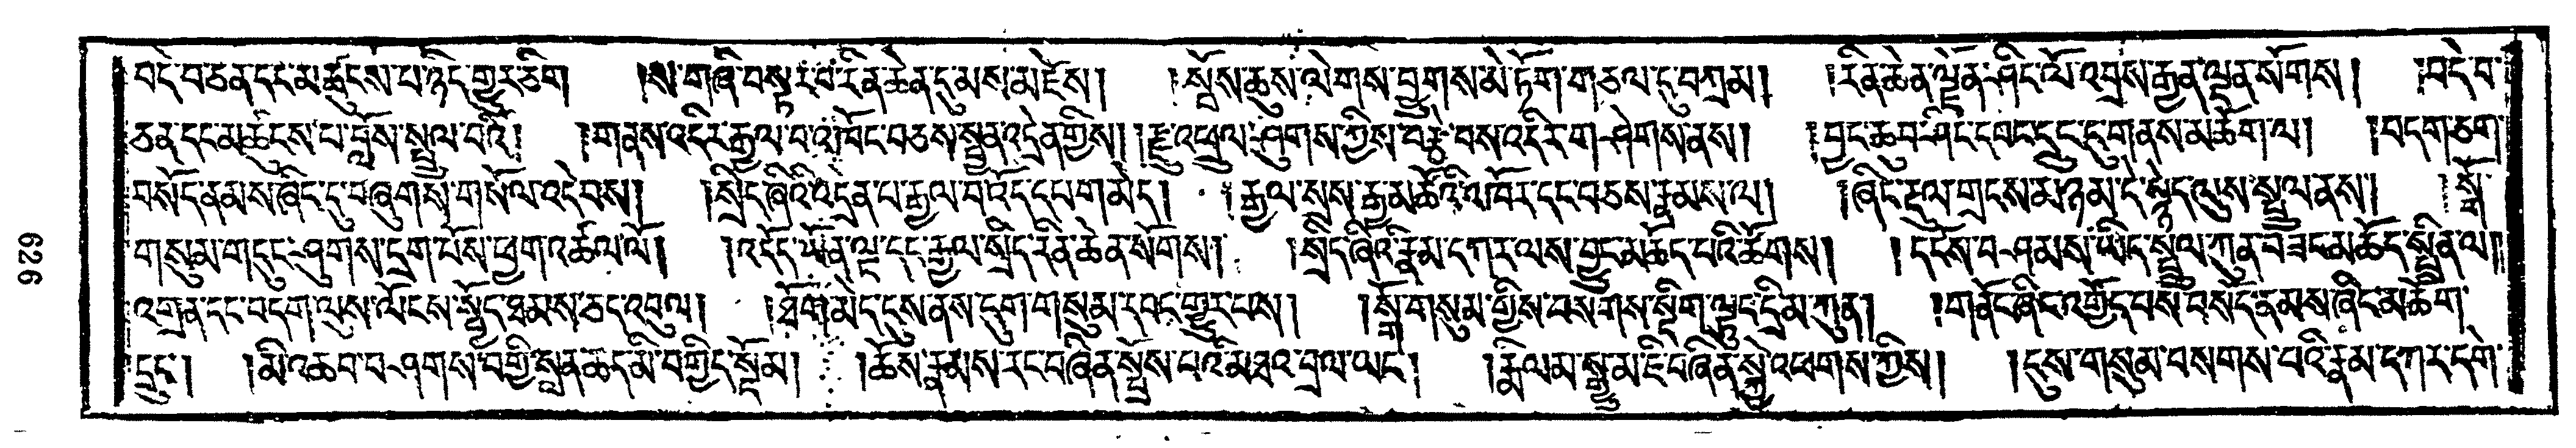བདེ་བ་ཅན་དང་མཚུངས་པ་ཉིད་གྱུར་ཅིག །ས་གཞི་བསྟར་བ་རིན་ཆེན་དུ་མས་མཛེས། །སྤོས་ཆུས་ལེགས་བྱུགས་མེ་ཏོག་གཅལ་དུ་བཀྲམ། །རིན་ཆེན་ལྗོན་ཤིང་ལོ་འབྲས་རྒྱན་ལྡན་སོགས། །བདེ་བ་
ཅན་དང་མཚུངས་པ་བློས་སྤྲུལ་བའི། །གནས་འདིར་རྒྱལ་བ་འཁོར་བཅས་སྤྱན་འདྲེན་གྱིས། །རྫུ་འཕྲུལ་ཤུགས་ཀྱིས་བརྩེ་བས་འདིར་གཤེགས་ནས། །བྱང་ཆུབ་ཤིང་དབང་དྲུང་དུ་གནས་མཆོག་ལ། །བདག་ཅག་
བསོད་ནམས་ཞིང་དུ་བཞུགས་གསོལ་འདེབས། །སྲིད་ཞིའི་འདྲེན་པ་རྒྱལ་བ་འོད་དཔག་མེད། །རྒྱལ་སྲས་རྒྱ་མཚོའི་འཁོར་དང་བཅས་རྣམས་ལ། །ཞིང་རྡུལ་གྲངས་མཉམ་དེ་སྙེད་ལུས་སྤྲུལ་ནས། །སྒོ་
གསུམ་གདུང་ཤུགས་དྲག་པོས་ཕྱག་འཚལ་ལོ། །འདོད་ཡོན་ལྔ་དང་རྒྱལ་སྲིད་རིན་ཆེན་སོགས། །སྲིད་ཞིའི་རྣམ་དཀར་ལས་བྱུང་མཆོད་པའི་ཚོགས། །དངོས་བཤམས་ཡིད་སྤྲུལ་ཀུན་བཟང་མཆོད་སྤྲིན་ལ།།
འགྲན་དང་བདག་ལུས་ལོངས་སྤྱོད་ཐམས་ཅད་འབུལ། །ཐོག་མེད་དུས་ནས་དུག་གསུམ་དབང་གྱུར་པས། །སྒོ་གསུམ་གྱིས་བསགས་སྡིག་ལྟུང་དྲི་མ་ཀུན། །གནོང་ཞིང་འགྱོད་པས་བསོད་ནམས་ཞིང་མཆོག་
དྲུང་། །མི་འཆབ་བཤགས་བགྱི་སླན་ཆད་མི་བགྱིད་སྡོམ། །ཆོས་རྣམས་རང་བཞིན་སྤྲོས་པའི་མཐའ་བྲལ་ཡང་། །རྨི་ལམ་སྒྱུ་མ་ཇི་བཞིན་སྐྱེ་འཕགས་ཀྱིས། །དུས་གསུམ་བསགས་པའི་རྣམ་དཀར་དགེ་